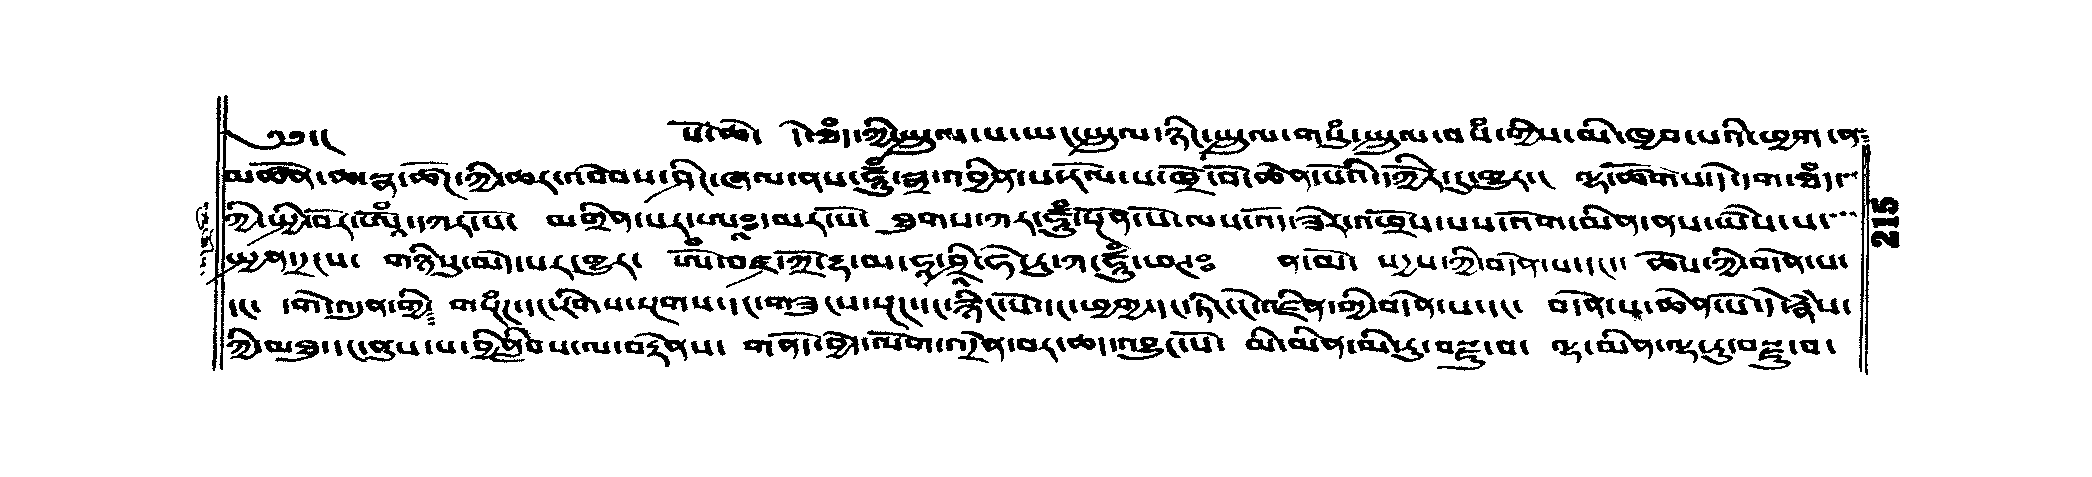པོ་ཆེ། དེ་ཐམས་ཅད་ཀྱི་སྤྲུལ་པ་ཡང་སྤྲུལ་ཉིང་སྤྲུལ་གསུམ་སྤྲུལ་བསམ་གྱིས་མི་ཁྱབ་པའི་ཕྱག་ན་
མཚོན་ཆ་སྣ་ཚོགས་ཀྱི་ཆར་འབེབས་ཤིང་ཞལ་ནས་ཧཱུྃ་སྒྲ་འབྱིན་པར་རོལ་པ་ཁྲོ་བོ་ཆེན་པོའི་དཀྱིལ་འཁོར་དུ་གྱུར། ལྷ་ཚོགས་དེ་དག་ཐམས་ཅད་
ཀྱི་སྤྱི་བོར་ཨོཾ་དཀར་པོ། མགྲིན་པར་ཨཱཿདམར་པོ། ཐུགས་ཀར་ཧཱུྃ་སྔོན་པོ་ལས་འོད་ཟེར་འཕྲོས་པས་འོག་མིན་ནས་ཡེ་ཤེས་པ་
སྤྱན་དྲངས། གཉིས་སུ་མེད་པར་གྱུར། ཨོཾ་བཛྲ་ཀྲོ་དྷ་མ་ཧཱ་ཤྲཱི་ཧེ་རུ་ཀ་ཧཱུྃ་ཕཊཿ ན་མོ། སངས་རྒྱས་ཀྱི་བདེན་པ་དང་། ཆོས་ཀྱི་བདེན་པ་
དང་། དགེ་འདུན་གྱི་༴ གསང་སྔགས་དང་རིགས་སྔགས་དང་གཟུགས་སྔགས་དང་སྙིང་པོ་དང་ཕྱག་རྒྱ་དང་ཏིང་ངེ་འཛིན་གྱི་བདེན་པ་དང་། བདེན་པ་ཆེན་པོ་དེ་རྣམས་
ཀྱི་མཐུ་དང་ནུས་པ་བྱིན་གྱིས་བརླབས་པ་ལ་བརྟེན་ནས། གནོད་བྱེད་ལོག་འདྲེན་བར་ཆད་འབྱུང་པོ། མི་མིན་མི་རུ་བརྫུ་བ། ལྷ་མིན་ལྷ་རུ་བརྫུ་བ།